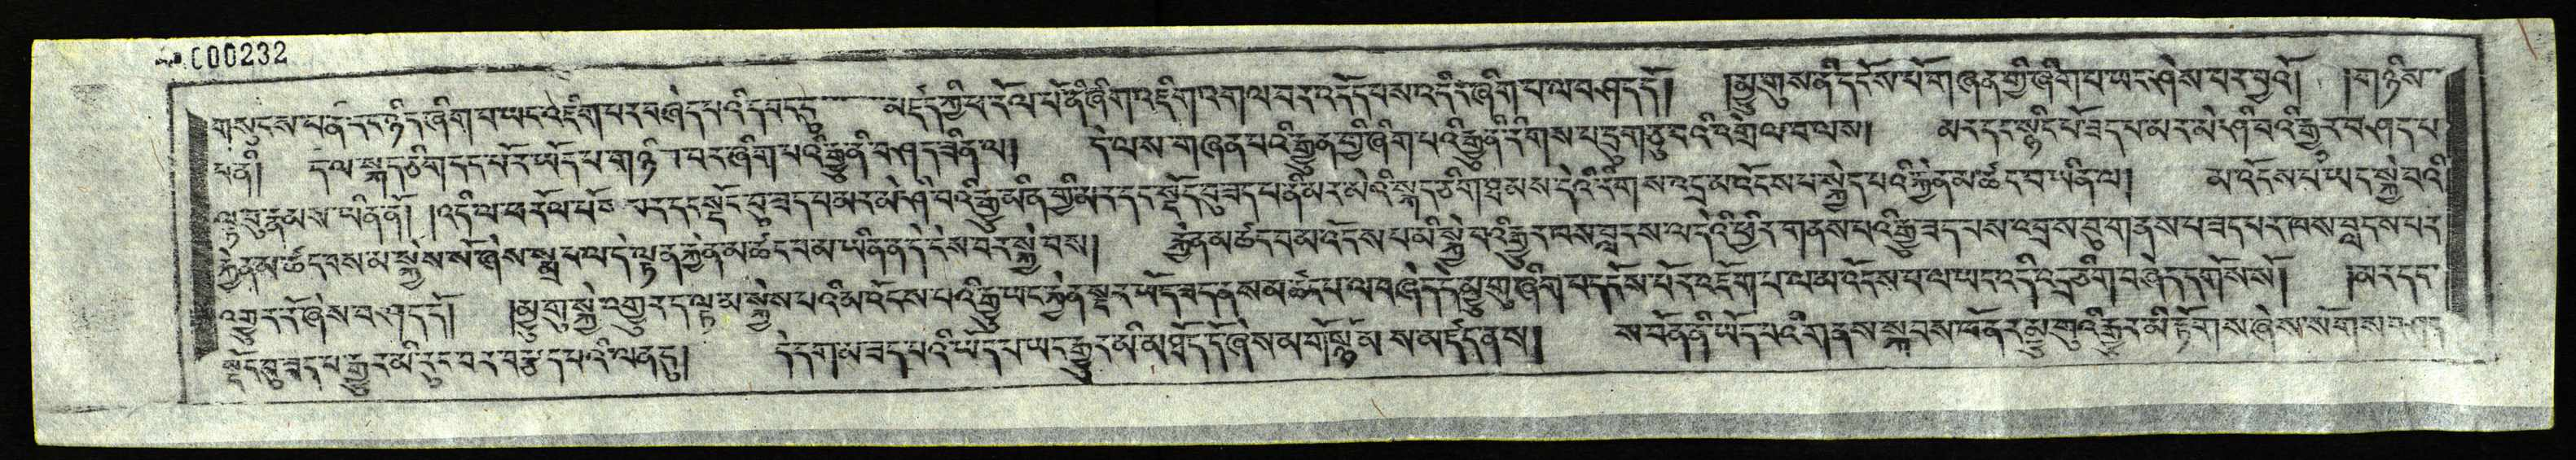གསུངས་པ་ནི་རང་ཉིད་ཞིག་པ་ཡང་འཇིག་པར་བཞེད་པའི་དབང་དུ་མཛད་ཀྱི་ཕ་རོལ་པོ་ནི་ཞིག་འཇིག་འགལ་བར་འདོད་པས་འདིར་ཞིག་པ་ལ་བཤད་དོ། །མྱུ་གུས་ནི་དངོས་པོ་གཞན་གྱི་ཞིག་པ་ཡང་ཤེས་པར་བྱའོ། །གཉིས་
པ་ནི། དེ་ལ་སྐད་ཅིག་དང་པོར་ཡོད་པ་གཉིས་པར་ཞིག་པའི་རྒྱུ་ནི་བཤད་ཟིན་ལ། དེ་ལས་གཞན་པའི་རྒྱུན་གྱི་ཞིག་པའི་རྒྱུ་ནི་རིགས་པ་དྲུག་ཅུ་བའི་འགྲེལ་བ་ལས། མར་དང་སྙིང་པོ་ཟད་པ་མར་མེ་ཤི་བའི་རྒྱུར་བཤད་པ་
ལྟ་བུ་རྣམས་ཡིན་ནོ། །འདི་ལ་ཕ་རོལ་པོས་མར་དང་སྡོང་བུ་ཟད་པ་མར་མེ་ཤི་བའི་རྒྱུ་མིན་གྱི་མར་དང་སྡོད་བུ་ཟད་པ་ནི་མར་མེའི་སྐད་ཅིག་ཐམས་དེའི་རིགས་འདྲ་མ་འོངས་པ་སྐྱེད་པའི་རྐྱེན་མ་ཚང་བ་ཡིན་ལ། མ་འོངས་པ་ཡང་སྐྱེ་བའི་
རྐྱེན་མ་ཚང་བས་མ་སྐྱེས་སོ་ཞེས་སྨྲ་བ་ལ་དེ་ལྟ་ན་རྐྱེན་མ་ཚང་བ་མ་ཡིན་ན་དེ་ངེས་བར་སྐྱེ་བས། རྐྱེན་མ་ཚང་བ་མ་འོངས་པ་མི་སྐྱེ་བའི་རྒྱུར་ཁས་བླངས་ལ་དེའི་ཕྱིར་གནས་པའི་རྒྱུ་ཟད་པས་འབྲས་བུ་གནས་པ་ཟད་པར་ཁས་བླངས་པར་
འགྱུར་རོ་ཞེས་བཤད་དོ། །མྱུ་གུ་སྐྱེ་འགྱུར་ད་ལྟ་མ་སྐྱེས་པའི་མ་འོངས་པའི་རྒྱུ་ཡང་རྐྱེན་སྔར་ཡོད་ཟད་ནས་མ་ཚང་པ་ལ་བཞེད་དེ་མྱུ་གུ་ཞིག་པ་དངོས་པོར་འཇོག་པ་ལ་མ་འོངས་པ་ལ་ཡང་འདི་འདྲ་ཅིག་བཞེད་དགོས་སོ། །མར་དང་
སྡོང་བུ་ཟད་པ་རྒྱུར་མི་རུང་བར་བརྩད་པའི་ལན་དུ། དེ་དག་མ་ཟད་པའི་ཡོད་པ་ཡང་རྒྱུར་མི་མཐོང་ངོ་ཞེས་མགོ་སྙོམས་མཛད་ནས། ས་བོན་ནི་ཡོད་པའི་གནས་སྐབས་ཁོ་ནར་མྱུ་གུའི་རྒྱུར་མི་རྟོགས་ཞེས་སོགས་བཤད་